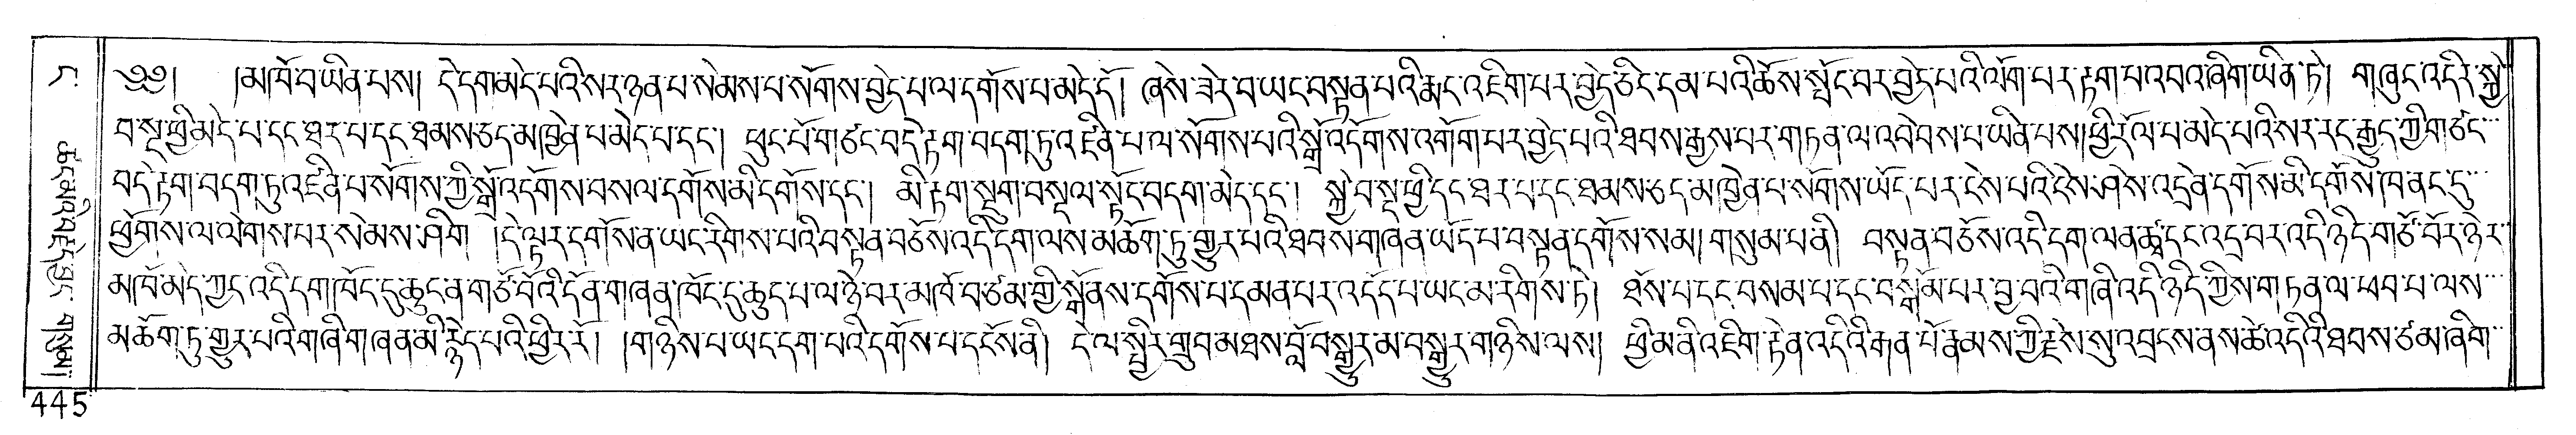༄༅། །མཁོ་བ་ཡིན་པས། དེ་དག་མེད་པའི་སར་ཉན་པ་སེམས་པ་སོགས་བྱེད་བ་ལ་དགོས་པ་མེད་དོ། ཞེས་ཟེར་བ་ཡང་བསྟན་པའི་རྨང་འཇིག་པར་བྱེད་ཅིང་དམ་པའི་ཆོས་སྤོང་བར་བྱེད་པའི་ལོག་པར་རྟོག་པ་འབའ་ཞིག་ཡིན་ཏེ། གཞུང་འདིར་སྐྱེ་
བ་སྔ་ཕྱི་མེད་པ་དང་ཐར་པ་དང་ཐམས་ཅད་མཁྱེན་པ་མེད་པ་དང་། ཕུང་པོ་གཙང་བདེ་རྟག་བདག་ཏུ་འཛིན་པ་ལ་སོགས་པའི་སྒྲོ་འདོགས་འགོག་པར་བྱེད་པའི་ཐབས་རྒྱས་པར་གཏན་ལ་འབེབས་པ་ཡིན་པས། ཕྱི་རོལ་པ་མེད་པའི་སར་རང་རྒྱུད་ཀྱི་གཙང་
བདེ་རྟག་བདག་ཏུ་འཛིན་པ་སོགས་ཀྱི་སྒྲོ་འདོགས་བསལ་དགོས་མི་དགོས་དང་། མི་རྟག་སྡུག་བསྔལ་སྟོང་བདག་མེད་དང་། སྐྱེ་བ་སྔ་ཕྱི་དང་ཐར་པ་དང་ཐམས་ཅད་མཁྱེན་པ་སོགས་ཡོད་པར་ངེས་པའི་ངེས་ཤེས་འདྲེན་དགོས་མི་དགོས་ཁ་ནང་དུ་
ཕྱོགས་ལ་ལེགས་པར་སོམས་ཤིག །དེ་ལྟར་དགོས་ན་ཡང་རིགས་པའི་བསྟན་བཅོས་འདི་དག་ལས་མཆོག་ཏུ་གྱུར་པའི་ཐབས་གཞན་ཡོད་པ་བསྟན་དགོས་སམ། གསུམ་པ་ནི། བསྟན་བཅོས་འདི་དག་ལན་ཚྭ་དང་འདྲ་བར་འདི་ཉིད་གཙོ་བོར་ཉེར་
མཁོ་མེད་ཀྱང་འདི་དག་ཁོང་དུ་ཆུད་ན་གཙོ་བོའི་དོན་གཞན་ཁོང་དུ་ཆུང་པ་ལ་ཉེ་བར་མཁོ་བ་ཙམ་གྱི་སྒོ་ནས་དགོས་པ་དམན་པར་འདོད་པ་ཡང་མི་རིགས་ཏེ། ཐོས་པ་དང་བསམ་པ་དང་བསྒོམ་པར་བྱ་བའི་གཞི་འདི་ཉིད་ཀྱིས་གཏན་ལ་ཕབ་པ་ལས་
མཆོག་ཏུ་གྱུར་པའི་གཞི་གཞན་མ་རྙེད་པའི་ཕྱིར་རོ། །གཉིས་པ་ཡང་དག་པའི་དགོས་པ་དངོས་ནི། དེ་ལ་སྤྱིར་གྲུབ་མཐས་བློ་བསྒྱུར་མ་བསྒྱུར་གཉིས་ལས། ཕྱི་མ་ནི་འཇིག་རྟེན་འདིའི་རྒན་པོ་རྣམས་ཀྱི་རྗེས་སུ་འབྲངས་ནས་ཚེ་འདིའི་ཐབས་ཙམ་ཞིག་